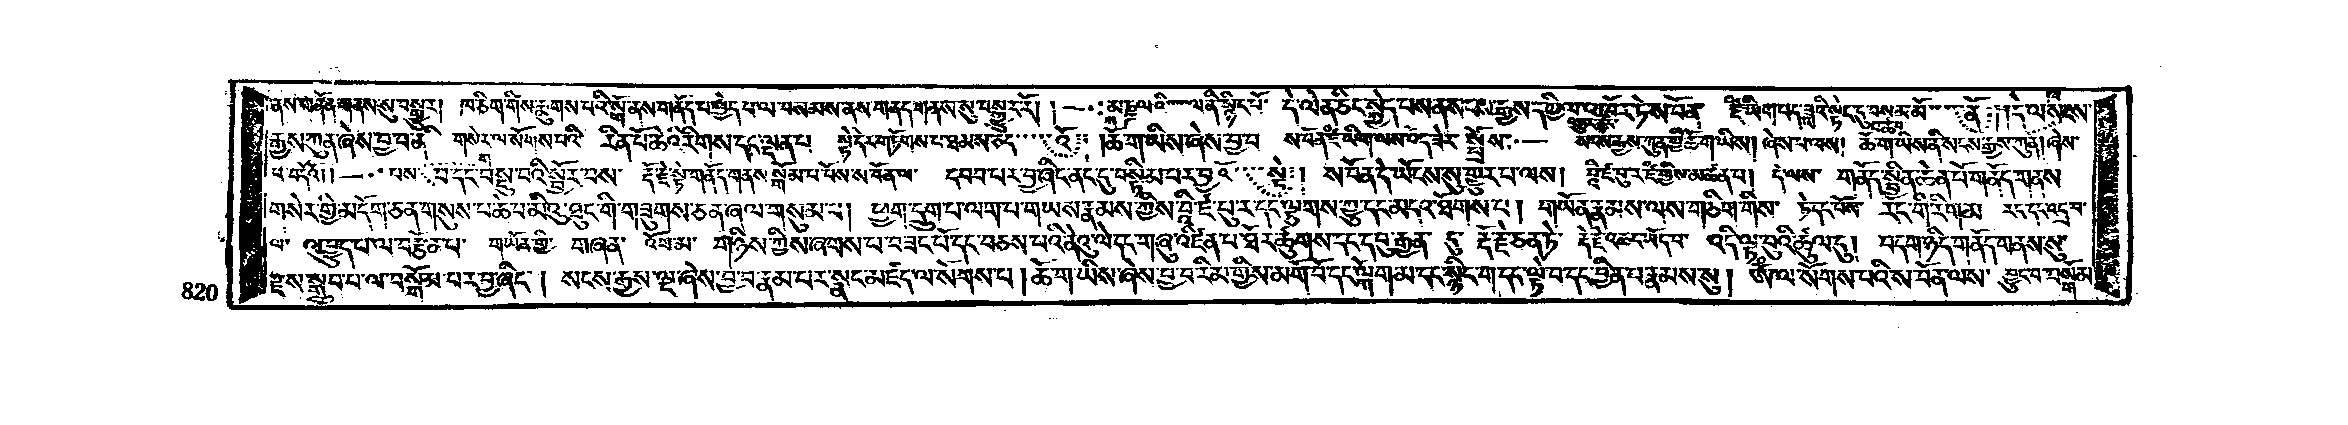ནས་གནོན་གནས་སུ་བསྒྱུར། ཁ་ཅིག་གིས་རྨུགས་པའི་སྒོ་ནས་གནོད་པ་བྱེད་པ་ལ་བསམས་ནས་གནོད་གནས་སུ་བསྒྱུར་རོ། །.Hམཎྜལའི་ལ་ནི་སྙིང་པོ་དེ་ལེན་ཅིང་སྐྱེད་པས་ན་སངས་རྒྱས་དཀྱིལ་འཁོར་ཏེ་ས་བོན་ཛཾ་ཡིག་པད་ཟླའི་སྟེང་དུ་བསམ་མོ་ནོ། །དེ་ལ་སངས་
རྒྱས་ཀུན་ཞེས་བྱ་བ་ནི་གསེར་ལ་སོགས་པའི་རིན་པོ་ཆེའི་རིགས་དང་ལྡན་པ་སྟེ་དེར་གཏོགས་པ་ཐམས་ཅད་འོ། །ཆོ་ག་ཡིས་ཞེས་བྱ་བ་ས་བོན་ཛཾ་ཡིག་ལས་འོད་ཟེར་སྤྲོསཿ་སངས་རྒྱས་ཀུན་གྱི་ཆོ་ག་ཡིས། ཞེས་པ་ལས། ཆོ་ག་ཡིས་ནི་སངས་རྒྱས་ཀུན། ཞེས་
པ་བདེའོ།། .Hཔས་བ་དང་བསྡུ་བའི་སྦྱོར་བས་རྡོ་རྗེ་གནོད་གནས་སྐོམ་པ་པོས་ས་བོན་ལ་དབབ་པར་བྱ་ཞིང་ནང་དུ་བསྟིམ་པར་བྱའོ་སྟེ། ས་བོན་དེ་ཡོངས་སུ་གྱུར་པ་ལས། བཱི་ཛ་བུ་ར་ཛཾ་གྱིས་མཚན་པ། དེ་ལས་གནོད་སྦྱིན་ཆེན་པོ་གནོད་གནས་
གསེར་གྱི་མདོག་ཅན་གསུས་པ་ཆེ་བ་མིའུ་ཐུང་གི་གཟུགས་ཅན་ཞལ་གསུམ་པ། ཕྱག་དྲུག་པ་ལག་པ་གཡས་རྣམས་ཀྱིས་བཱི་ཛ་བུ་ར་དང་ལྕགས་ཀྱུ་དང་མངའ་ཐོགས་པ། གཡོན་རྣམས་ལས་གཅིག་གིས་ཏེ་དང་པོས་རང་གི་རིག་མ་རང་དང་འདྲ་བ་
ལ་འཁྱུད་པ་ལ་བརྩོན་པ་གཡོན་གྱི་གཞན་འོག་མ་གཉིས་ཀྱིས་ཞགས་པ་བཟང་པོ་དང་བཅས་པའི་ནེའུ་ལེ་དང་གཞུ་འཛིན་པ་ཐོར་ཚུགས་དང་དབུ་རྒྱན་དུ་རྡོ་རྗེ་ཅན་ཏེ་རྡོ་རྗེ་འཆང་ཡོད་པ་འདི་ལྟ་བུའི་ཚུལ་དུ། བདག་ཉིད་གནོད་གནས་སུ་
རྫས་སྒྲུབ་པ་ལ་བསྒོམ་པར་བྱ་ཞིང་། སངས་རྒྱས་ལྔ་ཞེས་བྱ་བ་རྣམ་པར་སྣང་མཛད་ལ་སོགས་པ། ཆོ་ག་ཡིས་ཞེས་བྱ་བ་རིམ་གྱིས་མགོ་བོ་དང་ལྐོག་མ་དང་སྙིང་ག་དང་ལྟེ་བ་དང་བྱིན་པ་རྣམས་སུ། ཨོཾ་ལ་སོགས་པའི་ས་བོན་ལས་བྱུང་བ་བསྒོམ་